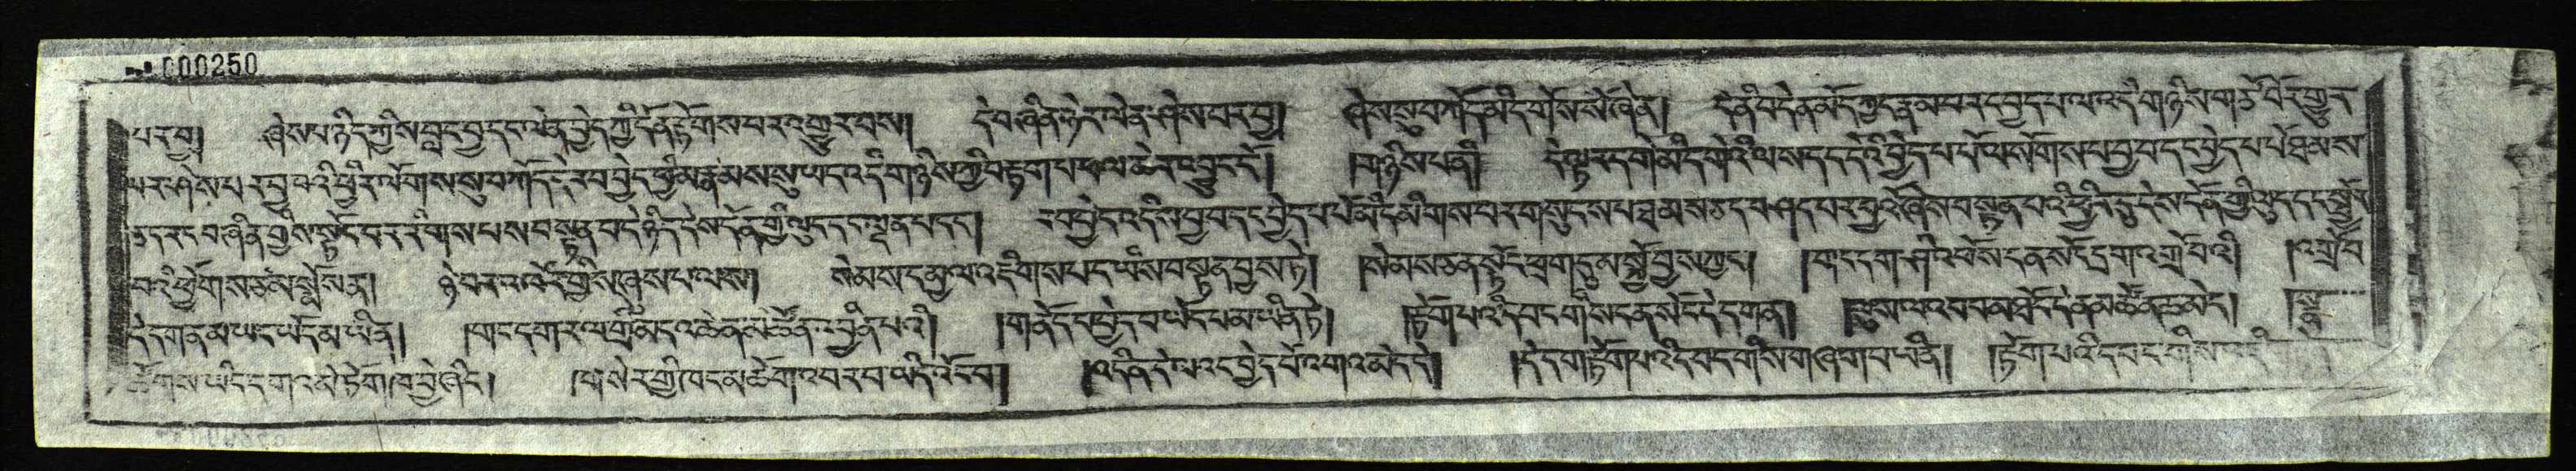པར་བྱ། ཞེས་པ་ཉིད་ཀྱིས་བླང་བྱ་དང་ལེན་བྱེད་ཀྱི་དོན་རྟོགས་པར་འགྱུར་བས། དེ་བཞིན་ཉེར་ལེན་ཤེས་པར་བྱ། ཞེས་སུ་བཀོད་མི་དགོས་སོ་ཞེ་ན། དེ་ནི་བདེན་མོད་ཀྱང་རྣམ་པར་དཔྱད་པ་ལ་འདི་གཉིས་གཙོ་བོར་གྱུར་
པར་ཤེས་པར་བྱ་བའི་ཕྱིར་ལོགས་སུ་བཀོད་དེ་རབ་བྱེད་ཕྱི་མ་རྣམས་སུ་ཡང་འདི་གཉིས་ཀྱི་བརྟག་པ་ཕལ་ཆེར་འབྱུང་ངོ། །གཉིས་པ་ནི། དེ་ལྟར་དགེ་མི་དགེའི་ལས་དང་དེའི་བྱེད་པ་པོ་ལ་སོགས་པ་བྱ་བ་དང་བྱེད་པ་པོ་ཐམས་
ཅད་རང་བཞིན་གྱིས་སྟོང་བར་རིགས་པས་བསྟན་པ་དེ་ཉིད་དེས་དོན་གྱི་ལུང་དང་ལྡན་པ་དང་། རབ་བྱེད་འདིས་བྱ་བ་དང་བྱེད་པ་པོ་མི་དམིགས་པར་གསུངས་པ་ཐམས་ཅད་བཤད་པར་བྱའོ་ཞེས་བསྟན་པའི་ཕྱིར་དུ་ངེས་དོན་གྱི་ལུང་དང་སྦྱོར་
བའི་ཕྱོགས་ཙམ་སྨོས་ན། ཉེ་བར་འཁོར་གྱིས་ཞུས་པ་ལས། སེམས་དམྱལ་འཇིགས་པ་ད་ཡིས་བསྟན་བྱས་ཏེ། །སེམས་ཅན་སྟོང་ཕྲག་དུ་མ་སྐྱོ་བྱས་ཀྱང་། །གང་དག་ཤི་འཕོས་ངན་སོང་དྲག་འགྲོ་བའི། །འགྲོ་བ་
དེ་དག་ནམ་ཡང་ཡོད་མ་ཡིན། །གང་དག་རལ་གྲི་མདའ་ཆེན་མཚོན་འབྱིན་པའི། །གནོད་པ་བྱེད་པ་ཡོད་པ་མ་ཡིན་ཏེ། །རྟོག་པའི་དབང་གིས་ངན་སོང་དེ་དག་ན། །ལུས་ལ་འབབ་མཐོང་དེ་ན་མཚོན་ཆ་མེད། །སྣ་
ཚོགས་ཡིད་དགའ་མེ་ཏོག་ཁ་བྱེ་ཞིང་། །གསེར་གྱི་ཁང་མཆོག་འབར་བ་ཡིད་འོང་བ། །འདི་ན་དེ་ལའང་བྱེད་པོ་འགའ་མེད་དེ། །དེ་དག་རྟོག་པའི་དབང་གིས་གཞག་པ་ཡིན། །རྟོག་པའི་དབང་གིས་འཇིག་རྟེན་